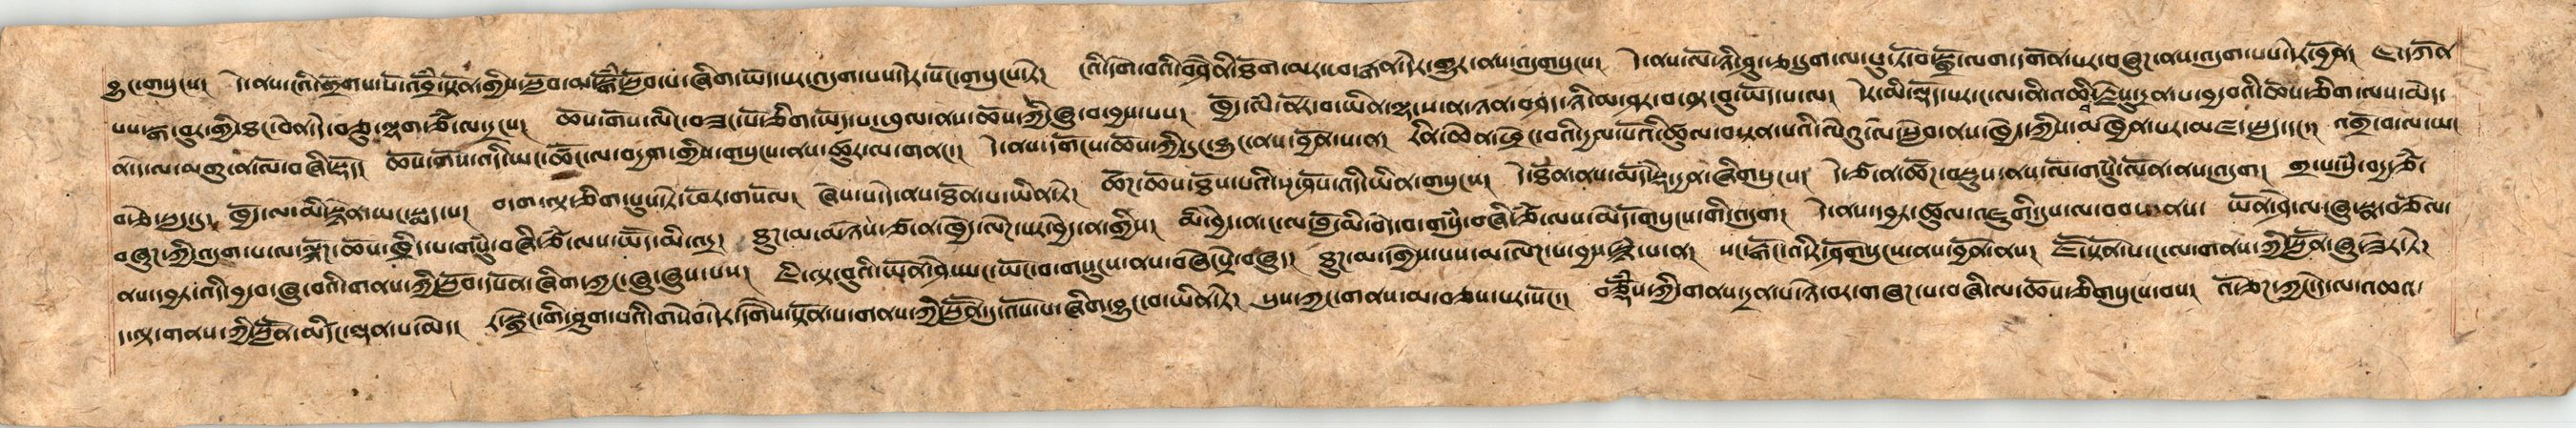བྱུང་གསུངས། དེ་ནས་ངའི་གྲོགས་པོ་འབྲོཾ་སྟོན་གྱིས་སློབ་མ་སྒོཾ་སློབ་པ་ཞིག་ཡོད་པར་འདུག་པས་དེར་སོང་གསུངས་ཏེ། ངའི་དགེ་བའི་བཤཻནི་ཐོག་མར་ཕ་རྒན་དེར་གྱུར་ནས་འདུགསུངས། དེ་ནས་ལོ་ཉི་ཤུ་རྩ་དྲུག་ལ་པུ་ཏོ་བ་སྒྲོ་ལག་དགོན་པར་བཞུཌ་ནས་འདུག་པས་དེར་བྱོན། ཇ་དཀོན
པས་སྒ་བུར་གྱི་ཐང་བེན་དེ་བཅུ་ལྷག་ཙཾ་ལ་དྲངས། ཆོས་གོས་ལིང་བཟང་པོ་ཅིག་ཡོད་པ་ཕུལ་ནས་ཆོས་ཀྱི་ཞུ་བ་བྱས་པས། ཁྱོད་ལཾ་ནོར་བ་ཡིན་ལྷ་ས་ན་ཉན་བཤད་ཉི་མ་ཤར་བ་ལྟ་བུ་ཡོད་པ་ལ། དེར་མི་ལྡོད་པར་ང་ལ་ནི་འཆི་བ་རྗེསུ་དྲན་པ་བྱ་བའི་ཆོས་ཅིག་ལས་མེད་
ན་དེ་ལ་མགུ་ན་ལོ་བཞི་སྡོད། ཆོས་གོས་འདི་ཡང་ཚོང་ལ་བདྱག་གྱིས་གསུངས་ནས་ཚུར་ལ་གནང་། དེ་ནས་དགོངས་ཆོས་ཀྱི་དུང་བྱུང་ནས་བྱོན་པ་ན། རིན་ཆེན་ཕྲེང་བའི་དྱལ་པོའི་ཚུལ་བསྟན་པའི་ལེའུ་ལ་སླེབ་ནས་ཁྱེད་ཀྱིས་མཁྱེན་པར་མཛད་སླད་དང་། འགྲོ་བ་ལ་ཡང
བརྩེ་སླད་དུ་ ཁྱོད་ལ་མི་སྙེན་ཡང་སྨད་པ། བདག་ལྟ་ཅིག་པུས་ཏེ་ཕོར་གསོལ། ཞེས་པ་དེ་ནས་ཐོན་པ་ཡིན་ཏེ། ཚོཌ་ཆོས་ཐོས་པའི་སྔ་ཤོས་འདི་ཡིན་གསུངས། དེ་ཐོན་ནས་མདོ་སྡེ་དྱན་ཞིགསུངས། དེ་ཙ་ན་ཚོཌ་བསྡུས་ནས་ལོ་གསུཾ་ལོན་ནས་འདུག། གྲ་པ་སུཾ་བདྱ་ཙཾ་
བཞུཌ་ཀྱི་འདུག་པ་ལ་ལྐོཌ་ཆོས་ཁྲིད་པ་གསུཾ་བཞི་ཙཾ་ལས་ཡཽད་མི་འདྲ། ཐུཌ་མ་མཉེས་ཙ་ན་ཁྱེད་ལེཌ་པར་བྱེད་ན་གྱིས། མི་བྱེད་ན་ང་ལ་བློ་མི་བདེ་བ་གསུཾ་བཞི་ཙཾ་ལས་མེདོ་གསུངས་གི་འདུག། དེ་ནས་དབྱར་ཚུལ་འཇུགི་དུས་ལ་བབས་ནས་ ཡོན་ཤེ་ལ་ཞུ་སྣ་བཅོལ་
ནས་དབྱར་འདི་བྱ་བ་ཞུ་བའི་གནས་ཀྱི་སློབ་དཔོན་ཞིག་ཀྱང་ཞུ་ཞུས་པས། ཇི་ལྟ་བུའི་ཡོན་ཤེ་ཡང་ཡོང་བ་གསུངས་ནས་བཞེངསྲེ་བཞུད། ཐུཌ་མ་དགྱེས་པས་མ་ལེཌ་པ་བྱས་སྙཾ་པ་ན། སང་རྒོང་འདིར་ཤོགསུངས་ནས་བྱོན་ནས། ཇཽ་སྟོན་པ་ང་ལ་གནས་ཀྱི་སླཽན་ཞུ་ཟེར་ཏེ།
ད་ལྟ་གནས་ཀྱི་སླཽན་མིཛདང་ལྡན་པ་མེད། ར་སྒྲེང་གི་ཤུག་པའི་གསེབ་དེར་དགཻས་སྟོན་པ་གནས་ཀྱི་སླཽན་དུ་འོས་པ་ཞིག་བྱུང་བ་ཡིན་ཏེ། སུས་ཀྱང་གནས་མ་བཅས་པར་སོང་། བཅྡོཾས་ཀྱི་གནས་དྲན་པ་ཉེ་བར་གཞཌ་པ་བཞི་ལ་ཆོས་ཅིགསུངས་བས། འོ་ཅཌ་ཀྱང་དེ་ལ་འཆའ་